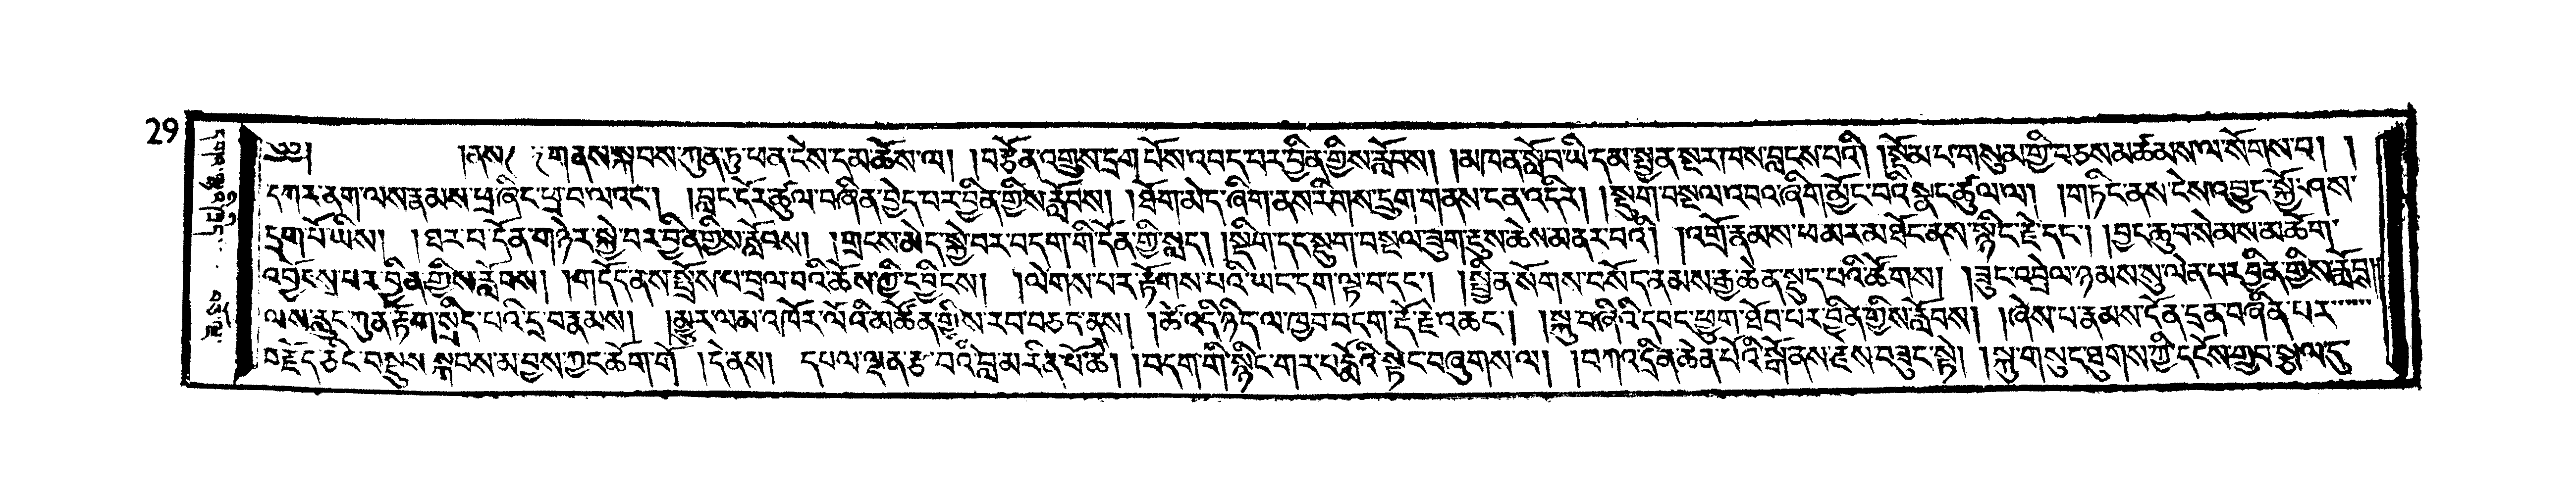༄༅། །ནས། །གནས་སྐབས་ཀུན་ཏུ་ཕན་ངེས་དམ་ཆོས་ལ། །བརྩོན་འགྲུས་དྲག་པོས་འབད་པར་བྱིན་གྱིས་རློབས། །མཁན་སློབ་ཡི་དམ་སྤྱན་སྔར་ཁས་བླངས་པའི། །སྡོམ་པ་གསུམ་གྱི་བཅས་མཚམས་ལ་སོགས་པ། །
དཀར་ནག་ལས་རྣམས་ཕྲ་ཞིང་ཕྲ་བ་ལའང་། །བླང་དོར་ཚུལ་བཞིན་བྱེད་པར་བྱིན་གྱིས་རློབས། །ཐོག་མེད་ཞིག་ནས་རིགས་དྲུག་གནས་ངན་འདིར། །སྡུག་བསྔལ་འབའ་ཞིག་མྱོང་བའི་སྣང་ཚུལ་ལ། །གཏིང་ནས་ངེས་འབྱུང་སྐྱོ་ཤས་
དྲག་པོ་ཡིས། །ཐར་པ་དོན་གཉེར་སྐྱེ་བར་བྱིན་གྱིས་རློབས། །གྲངས་མེད་སྐྱེ་བར་བདག་གི་དོན་གྱི་སླད། །སྡིག་དང་སྡུག་བསྔལ་ཟུག་རྔུས་ཆེས་མནར་བའི། །འགྲོ་རྣམས་ཕ་མར་མཐོང་ནས་སྙིང་རྗེ་དང་། །བྱང་ཆུབ་སེམས་མཆོག་
འབྱོངས་པར་བྱིན་གྱིས་རློབས། །གདོད་ནས་སྤྲོས་པ་བྲལ་བའི་ཆོས་ཀྱི་དབྱིངས། །ལེགས་པར་རྟོགས་པའི་ཡང་དག་ལྟ་བ་དང་། །སྦྱིན་སོགས་བསོད་ནམས་རྒྱ་ཆེན་སྡུད་པའི་ཚོགས། །ཟུང་འབྲེལ་ཉམས་སུལ་ཏེན་པར་བྱིན་གྱིས་རློབས།
ལས་རླུང་ཀུན་རྟོག་སྲིད་པའི་དྲ་བ་རྣམས། །མྱུར་ལམ་འཁོར་ལོའི་མཚོན་གྱིས་རབ་བཅད་ནས། །ཚེ་འདི་ཉིད་ལ་ཁྱབ་བདག་རྡོ་རྗེ་འཆང་། །སྐུ་བཞིའི་དབང་ཕྱུག་ཐོབ་པར་བྱིན་གྱིས་རློབས། །ཞེས་པ་རྣམས་དོན་དྲན་བཞིན་པར་
བརྗོད་ཅིང་བསྡུས་སྐབས་མ་བྱས་ཀྱང་ཆོག་གོ །དེ་ནས། དཔལ་ལྡན་རྩ་བའི་བླ་མ་རིན་པོ་ཆེ། །བདག་གི་སྙིང་གར་པད་མོའི་སྟེང་བཞུགས་ལ། །བཀའ་དྲིན་ཆེན་པོའི་སྒོ་ནས་རྗེས་བཟུང་སྟེ། །སྐུ་གསུང་ཐུགས་ཀྱི་དངོས་གྲུབ་སྩལ་དུ་